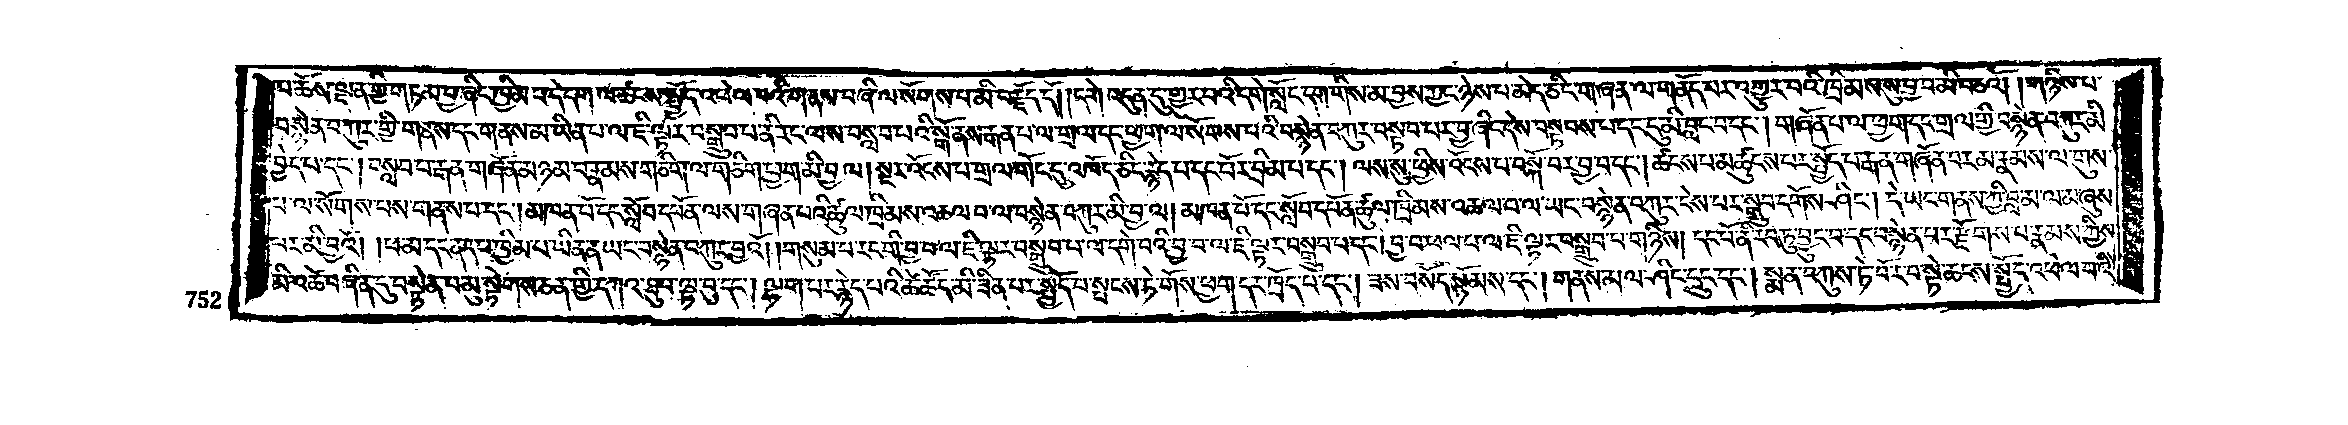པ་ཆོས་ལྡན་གྱི་གཏམ་བྱ་ཞིང་ཁྱིམ་པ་དེ་དག་ལ་ཚངས་སྤྱོད་འཕེལ་བའི་གནས་བཞི་ལ་སོགས་པ་མི་བརྗོད་དོ། །དགེ་འདུན་དུ་གྱུར་པའི་དགེ་སློང་དག་གིས་མ་བྱས་ཀྱང་ཉེས་པ་མེད་ཅིང་གཞན་ལ་གནོད་པར་འགྱུར་བའི་ཁྲིམས་སུ་བྱ་བ་མི་བཅའོ། །གཉིས་པ་
བསྙེན་བཀུར་གྱི་གནས་དང་གནས་མ་ཡིན་པ་ལ་ཇི་ལྟར་བསྒྲུབ་པ་ནི་རང་ལས་བསླབ་པའི་སྒོ་ནས་རྒན་པ་ལ་གྲལ་དང་ཕྱག་ལ་སོགས་པའི་བསྙེན་བཀུར་བསྟབ་པར་བྱ་ཞིང་དེས་བསྟབས་པ་དང་དུ་མི་བླང་བ་དང་། གཞོན་པ་ལ་ཕྱག་དང་གྲལ་གྱི་བསྙེན་བཀུར་མི་
བྱེད་པ་དང་། བསླབ་པ་རྒན་གཞོན་མཉམ་པ་རྣམས་གཅིག་ལ་གཅིག་ཕྱག་མི་བྱ་ལ། སྔར་འོངས་པ་གྲལ་གོང་དུ་འཁོད་ཅིང་རྙེད་པ་དང་པོར་བྲིམ་པ་དང་། ལས་སུ་ཕྱིས་འོངས་པ་བསྐོ་བར་བྱ་བ་དང་། ཚངས་པ་མཚུངས་པར་སྤྱོད་པ་རྒན་གཞོན་བར་མ་རྣམས་ལ་གུས་
པ་ལ་སོགས་པས་གནས་པ་དང་། མཁན་པོ་དང་སློབ་དཔོན་ལས་གཞན་པའི་ཚུལ་ཁྲིམས་འཆལ་བ་ལ་བསྙེན་བཀུར་མི་བྱ་ལ། མཁན་པོ་དང་སློབ་དཔོན་ཚུལ་ཁྲིམས་འཆལ་བ་ལ་ཡང་བསྙེན་བཀུར་ངེས་པར་སྒྲུབ་དགོས་ཤིང་། དེ་ཡང་གནས་ཀྱི་བླ་མ་ལ་མ་ཞུས་
པར་མི་བྱའོ། །ཕ་མ་དང་ནད་པ་ཁྱིམ་པ་ཡིན་ན་ཡང་བསྙེན་བཀུར་བྱའོ། །གསུམ་པ་རང་གི་བྱ་བ་ལ་ཇི་ལྟར་བསྒྲུབ་པ་ལ་དགེ་བའི་བྱ་བ་ལ་ཇི་ལྟར་བསྒྲུབ་པ་དང་། བྱ་བ་ཕལ་པ་ལ་ཇི་ལྟར་བསྒྲུབ་པ་གཉིས། དང་པོ་ནི་རབ་ཏུ་བྱུང་བ་དང་བསྙེན་པར་རྫོགས་པ་རྣམས་ཀྱིས་
མི་འཚེ་བཞིན་དུ་བསྟེན་པ་མུ་སྟེགས་ཅན་གྱི་དཀའ་ཐུབ་ལྟ་བུ་དང་། ལྷག་པར་རྙེད་པའི་ཚེ་ཚོད་མི་ཟིན་པར་སྤྱོད་པ་སྤངས་ཏེ་གོས་ཕྱག་དར་ཁྲོད་པ་དང་། ཟས་བསོད་སྙོམས་དང་། གནས་མལ་ཤིང་དྲུང་དང་། སྨན་བཀུས་ཏེ་བོ་ར་བ་སྟེ་ཆངས་སྤྱོད་འཕེལ་བའི་